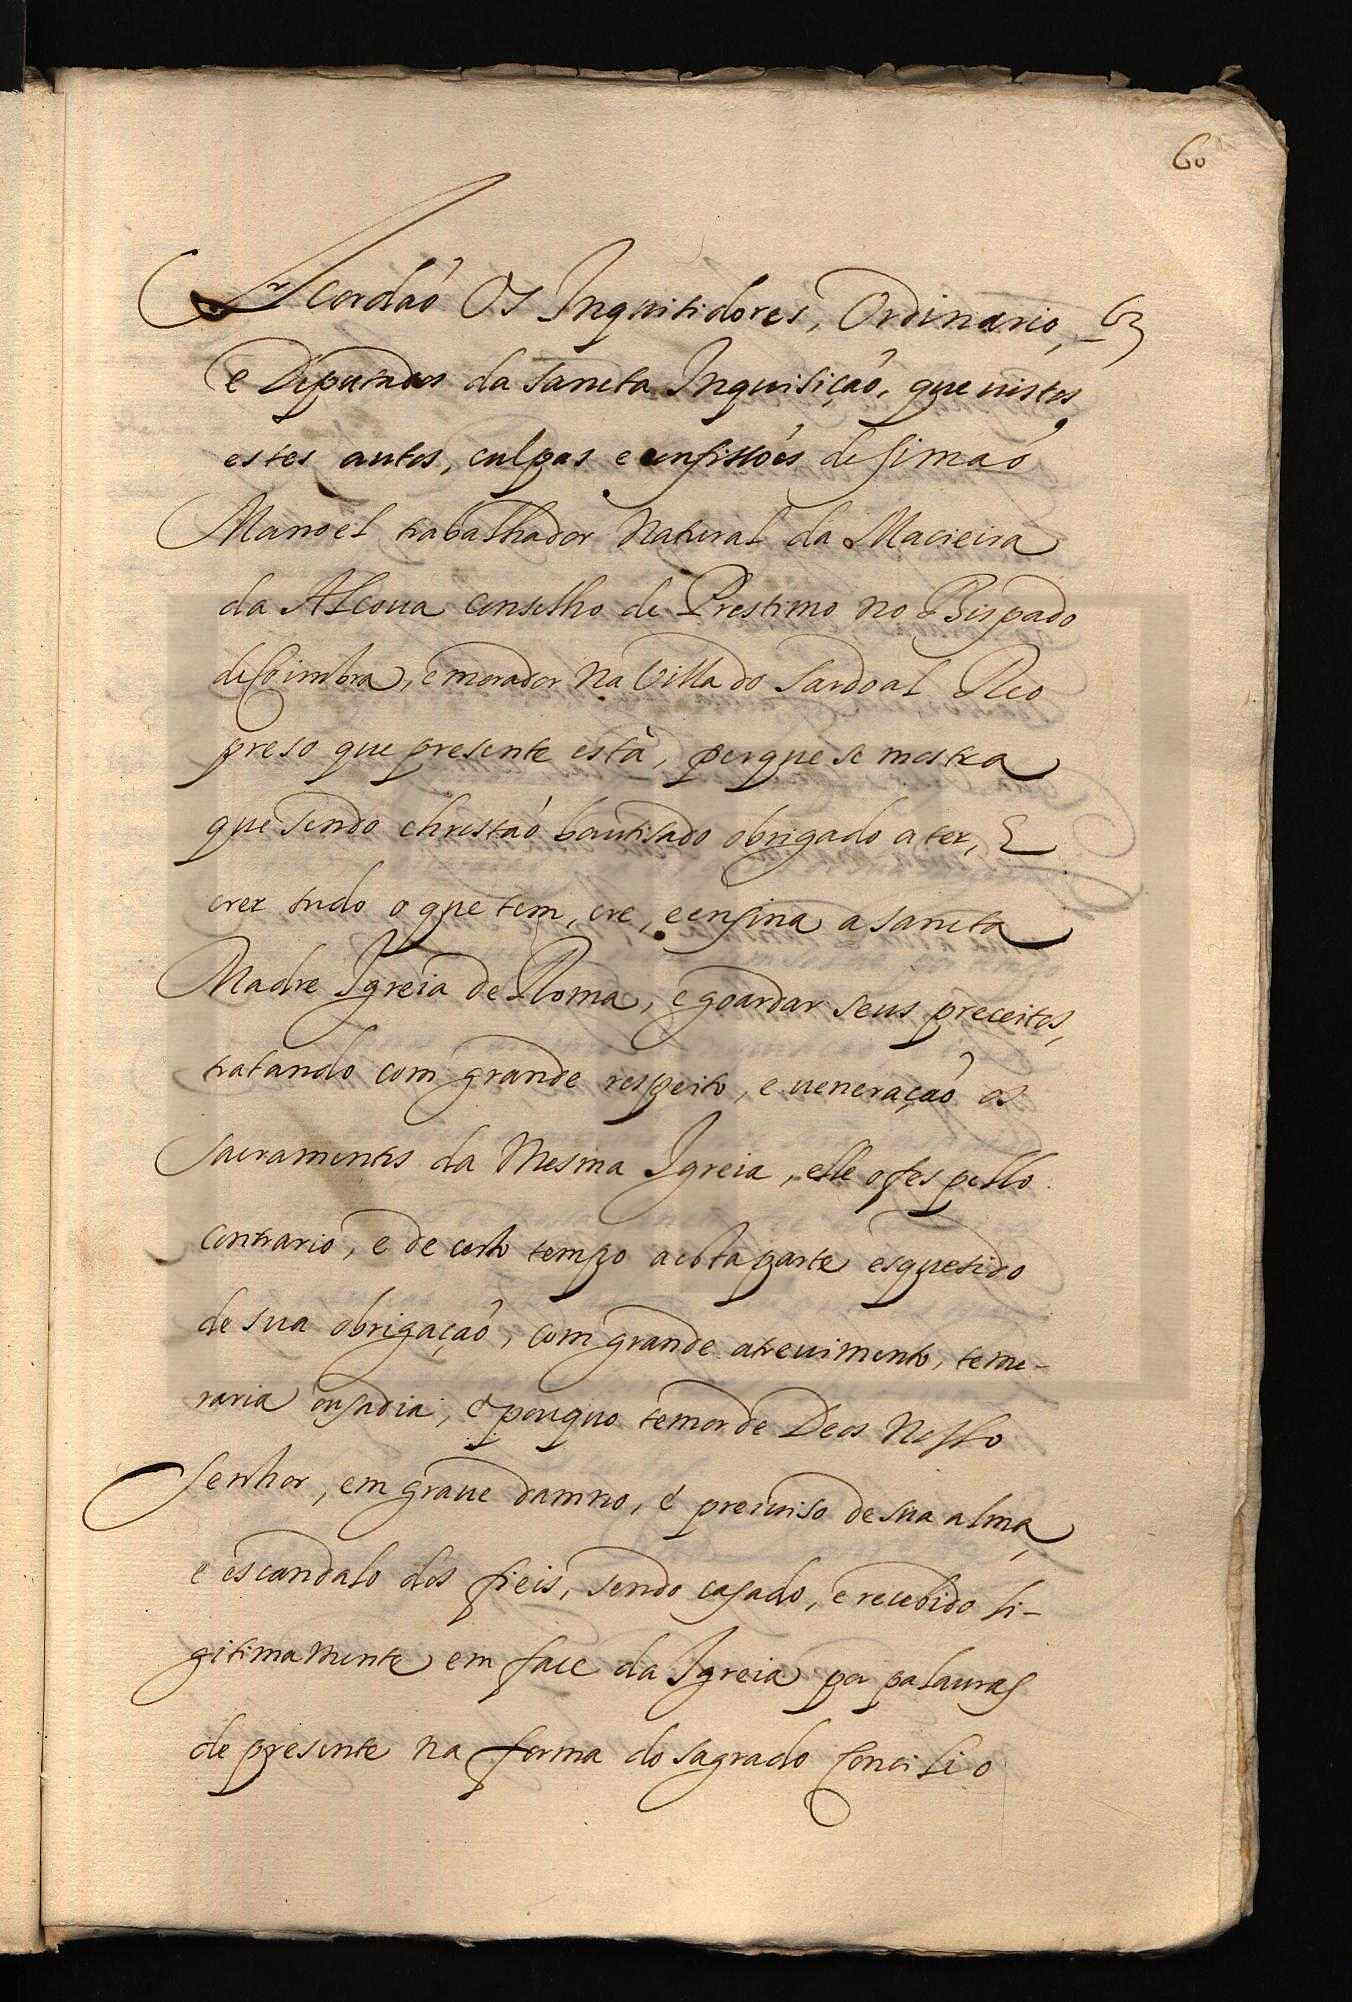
Acordaõ Os Inquisidores, Ordinario,
e Deputados da Sancta Inquisição, que uistos
estes autos, culpas e confissões de Simão
Manoel trabalhador natural da Macieira
da Alcoua conselho de Prestimo no Bispado
de Coimbra, e morador na villa do Sardoal Reo
preso que presente está, porque se mostra
que sendo christaõ bautisado obrigado a ter, E
crer tudo o que tem, cre, e ensina a sancta
Madre Igreia de Roma, e goardar seus preceitos,
tratando com grande respeito, e ueneração os
Sacramentos da mesma Igreia, elle o fes pello
contrario, e de certo tempo a esta parte esquesido
de sua obrigaçaõ, com grande atreuimento, teme
raria ousadia, e pouquo temor de Deos Nosso
Senhor, em graue damno, E preiuiso de sua alma,
e escandalo dos fieis, sendo casado, e recebido li
gitimamente em face da Igreia por palauras
de presente na forma do sagrado Concilio
